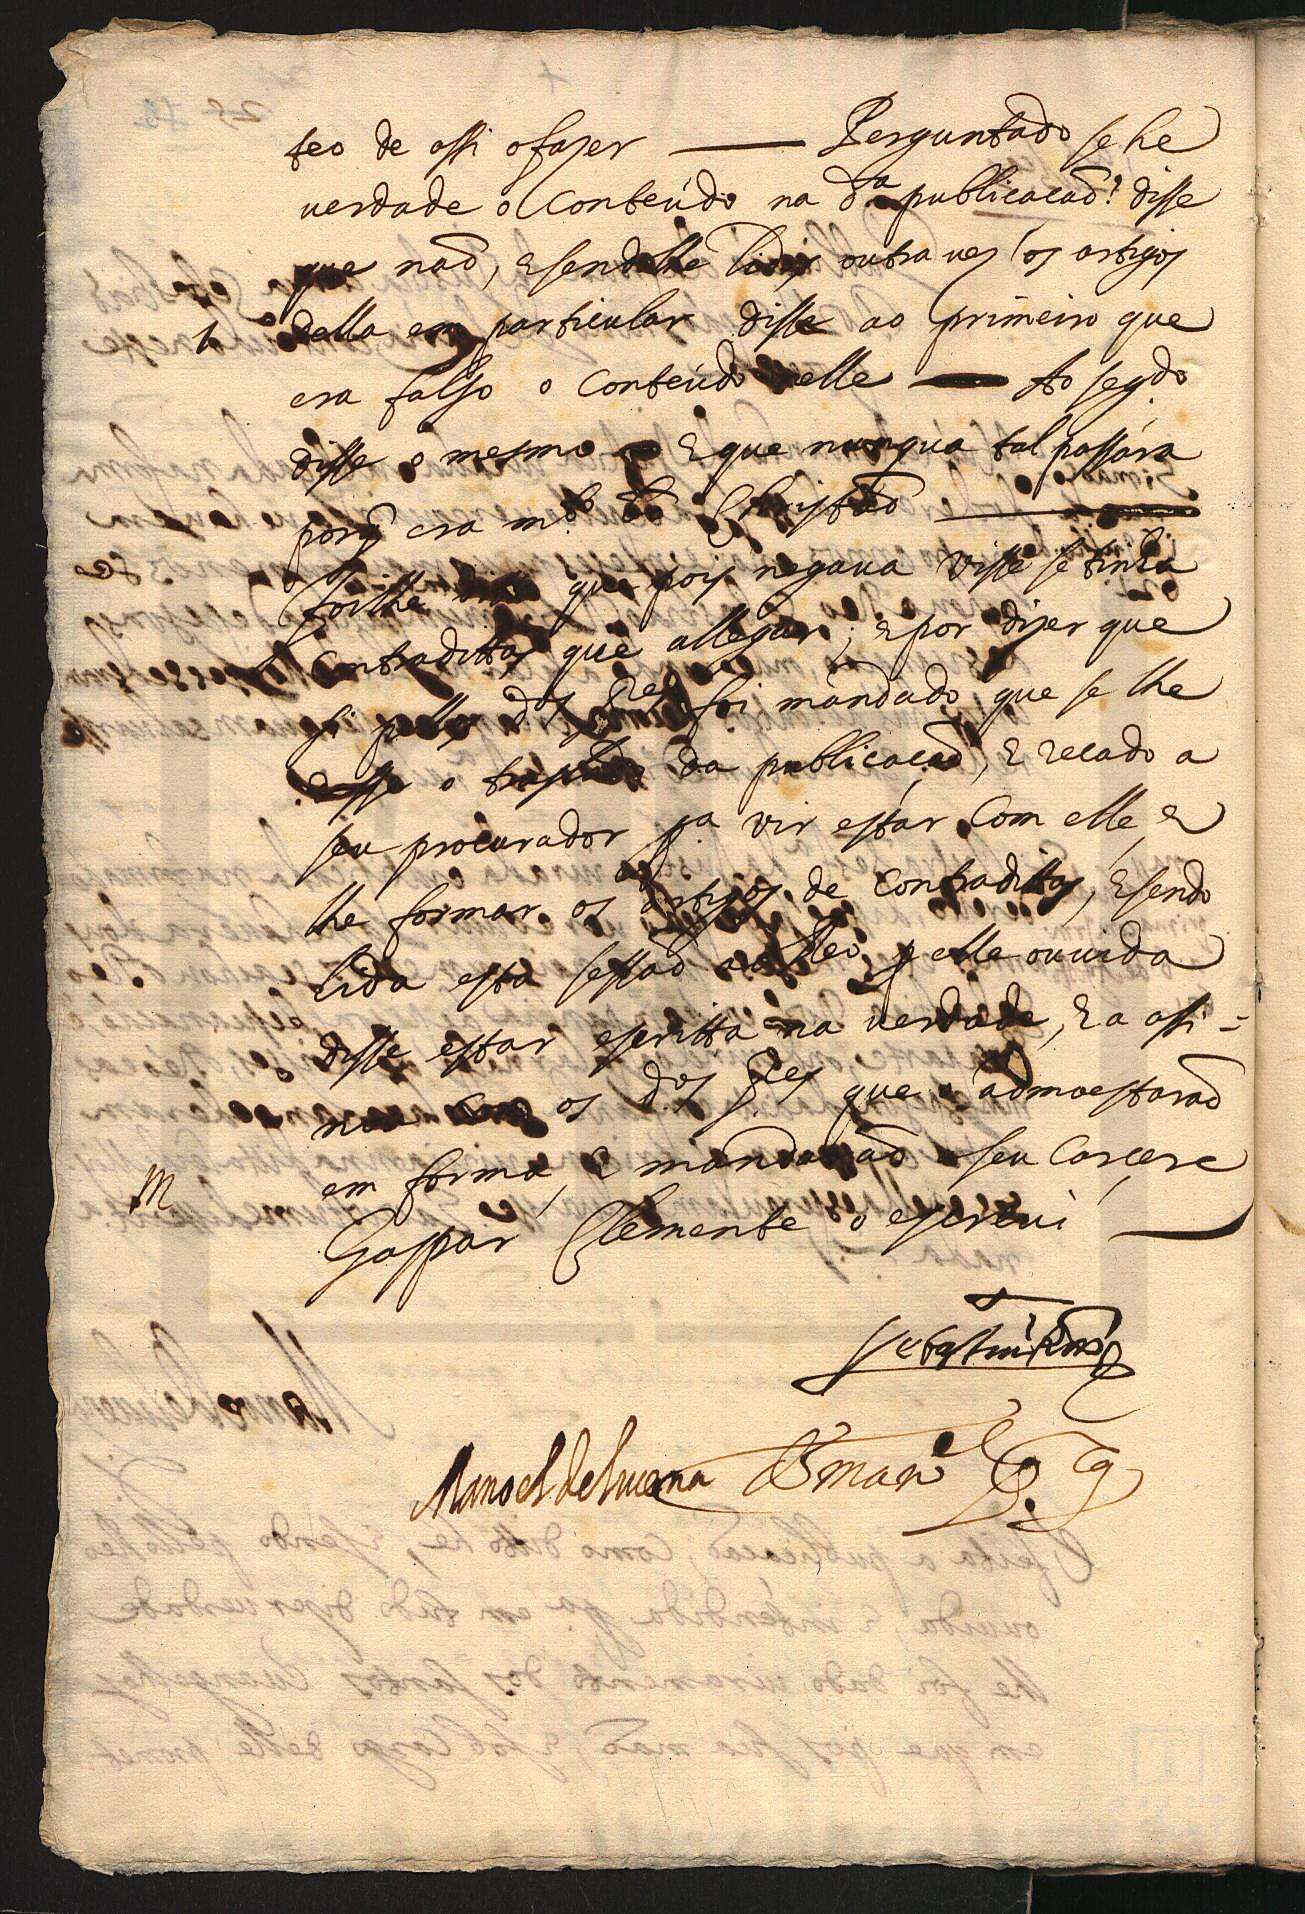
m
teo de assi o fazer ‒ Perguntado se he
uerdade o conteudo na d.a publicaçaõ? disse
que naõ, E sendolhe lidos outra uez os artigos
della em particular disse ao primeiro que
era falso o conteúdo _elle - Ao seg.do
disse o mesmo _ E que nunqua tal passara
porq̄ era m.to bō Christaõ.
foilhe ditto que pois negaua visse se tinha
contradittas que allegar; E por dizer que
si pellos d.os sres foi mandado que se lhe
desse o traslado da publicaçaõ, E recado a
seu procurador p̄.a vir estar com elle, E
lhe formar os artigos de contradittas, E sendo
lida esta sessaõ ao Reo ꝑ elle ouuida
disse estar escritta na uerdade, E a assi
nou com os d.os s.res que o admoestaraõ
em forma, E manda_ão _seu carçere
Gaspar Clemente o escreui
